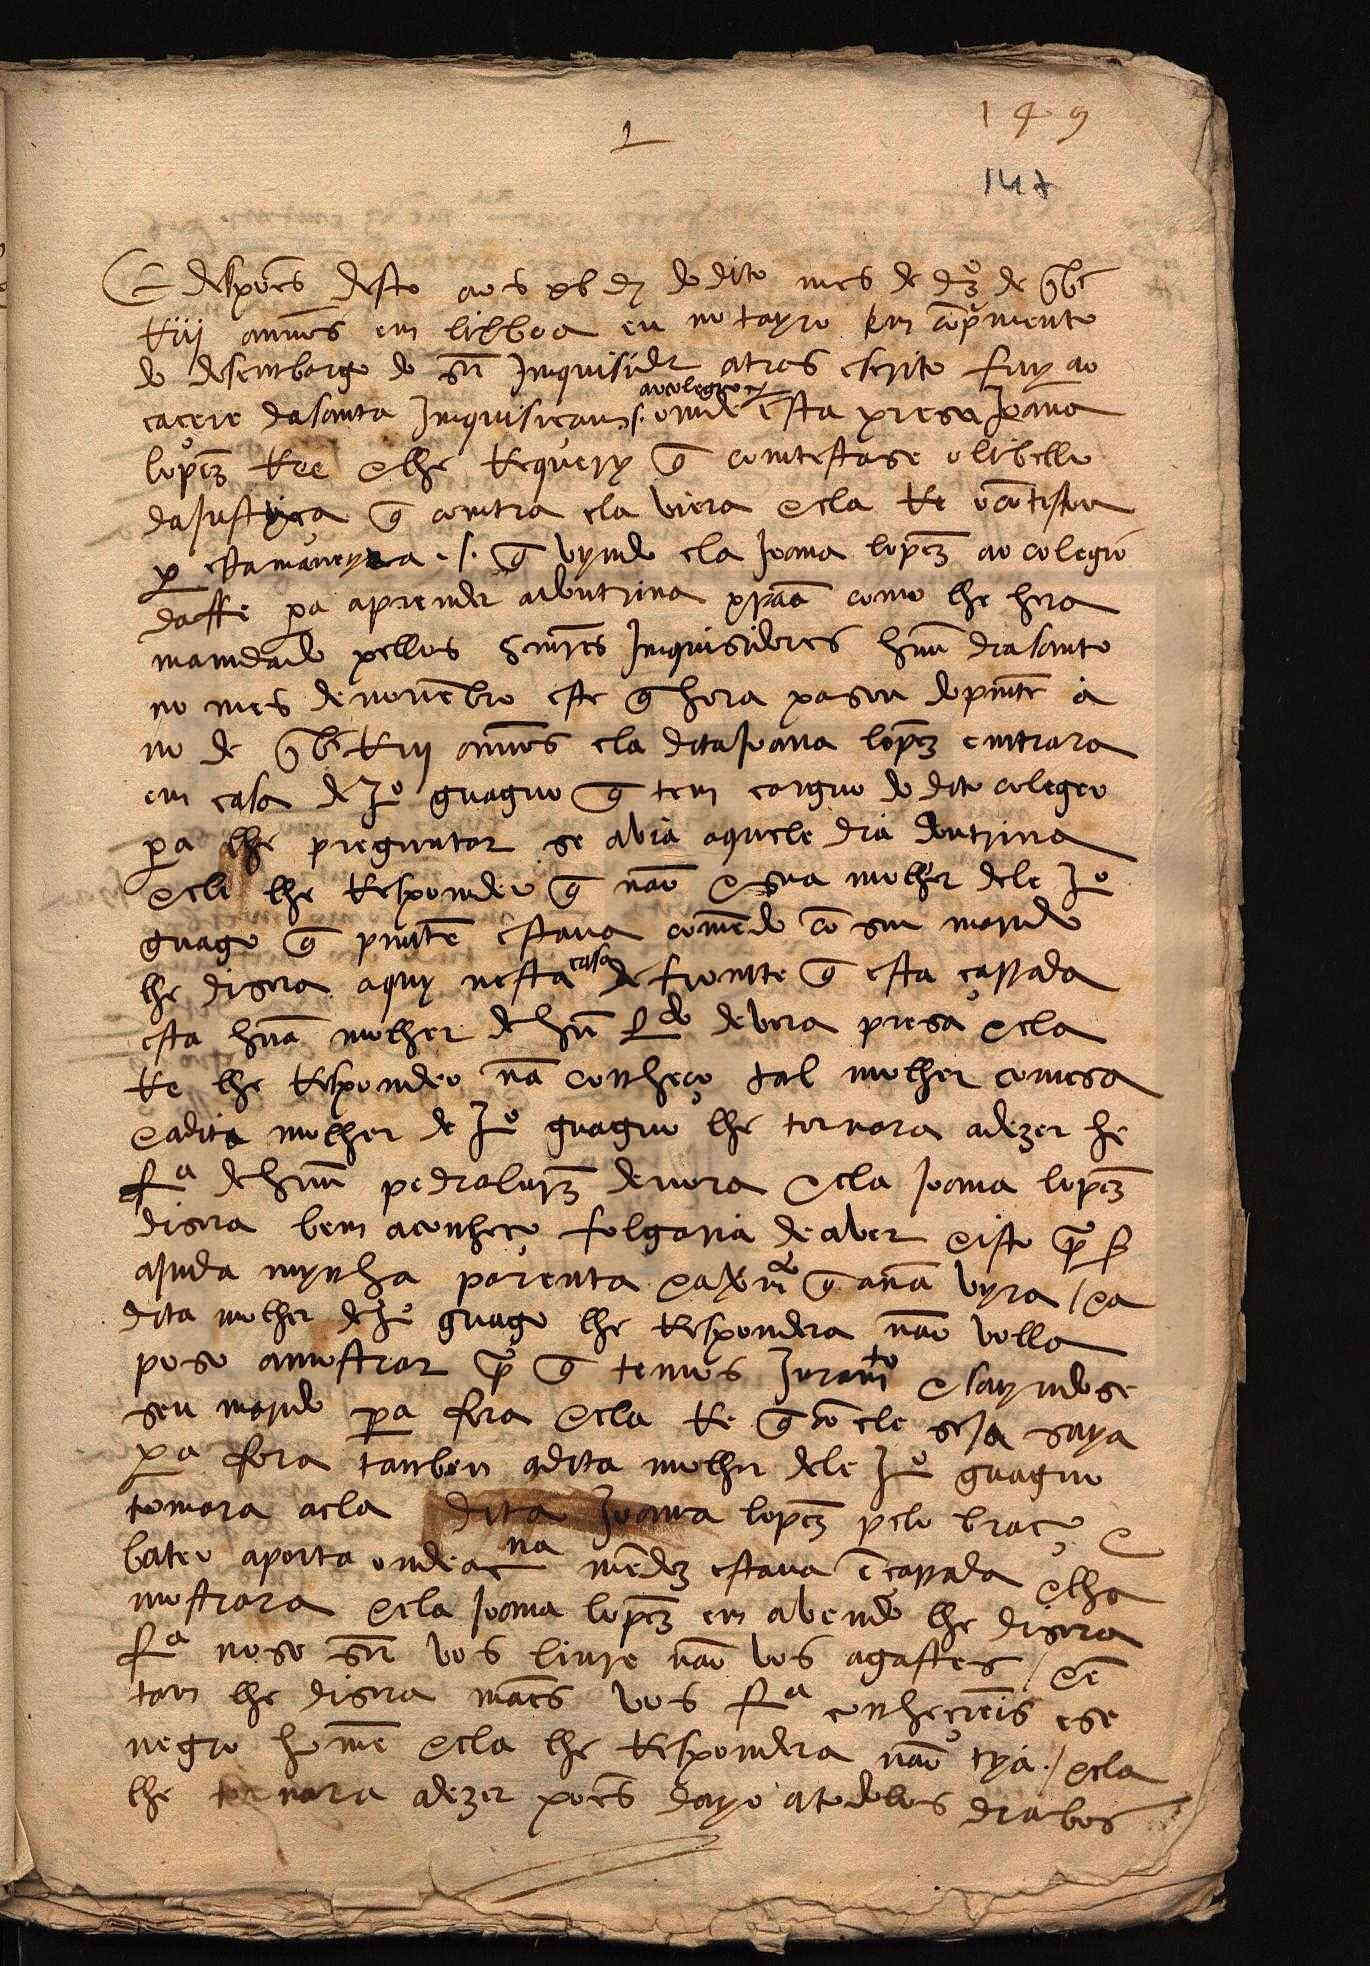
E despoes desto aos xb dj do dito mes de dzo de j̄bc
Riij annos em lixboa eu notayro em cōpimento
do desembargo do s̄or Jmquisidor atras escrito fuy ao
cacere da santa Jmquisiçam .s.
ao colegio cꝭ
omde esta presa Joana
lopez Ree e lhe Requery q̄ comtestase o libello
da Justyça q̄ comtra ela viera e ela Re o cōtestou
ꝑ esta maneyra .s. q̄ vyndo ela Joana lopez ao colegio
da ffe ꝑa aprender a doutrina xpāa como lhe hera
mandado pellos Senōres Jmquisidores huū dia santo
no mes de nouēbro este q̄ hora pasou do pm̄te a
no de j̄bc Riij annos ela dita Joana lopez emtrara
em casa de Jo guaguo q̄ tem carguo do dito colegeo
ꝑa lhe preguntar se avia aquele dia doutrina
e ele lhe Repomdeo q̄ não e sua molher dele Jo
guago q̄ prnt̄e estaua comēdo c̄o seu marido
lhe disera aquy nesta casa defromte q̄ esta çarrada
esta hūa molher de hū Ldo devora presa e ela
Re lhe Respondeo nā conheço tal molher comesa
e a dita molher de Jo guaguo lhe tornara a dizer he
fa de hūu pedralurz̄ deuora e ela Joana lopez
disera bem a conheço folgaria de a ver e isto p̄o ꞩ
aJnda mynha parenta e aꝟ mto q̄ a nā vyra / e a
dita molher de Jo guago lhe Respondera não volla
poso amostrar p̄oq̄ temos Juramto e sayndose
seu marido ꝑa fora e ela Re q̄ cō ele se Ja saya
ꝑa fora tanben a dita molher dele Jo guaguo
tomara a ela dita Joana lopez pelo braço e
bateo a porta onde a cna mēdez estaua ēçarrada e lha
mostrara e ela Joana lopez em a vendo lhe disera
fa noso s̄or vos liure não vos agastes / e ē
tam lhe disera maes vos fa conheçieis ese
negro homē e ela lhe Respondera não tya ./ e ela
lhe tornara a dizer poes day o a todos diabos
